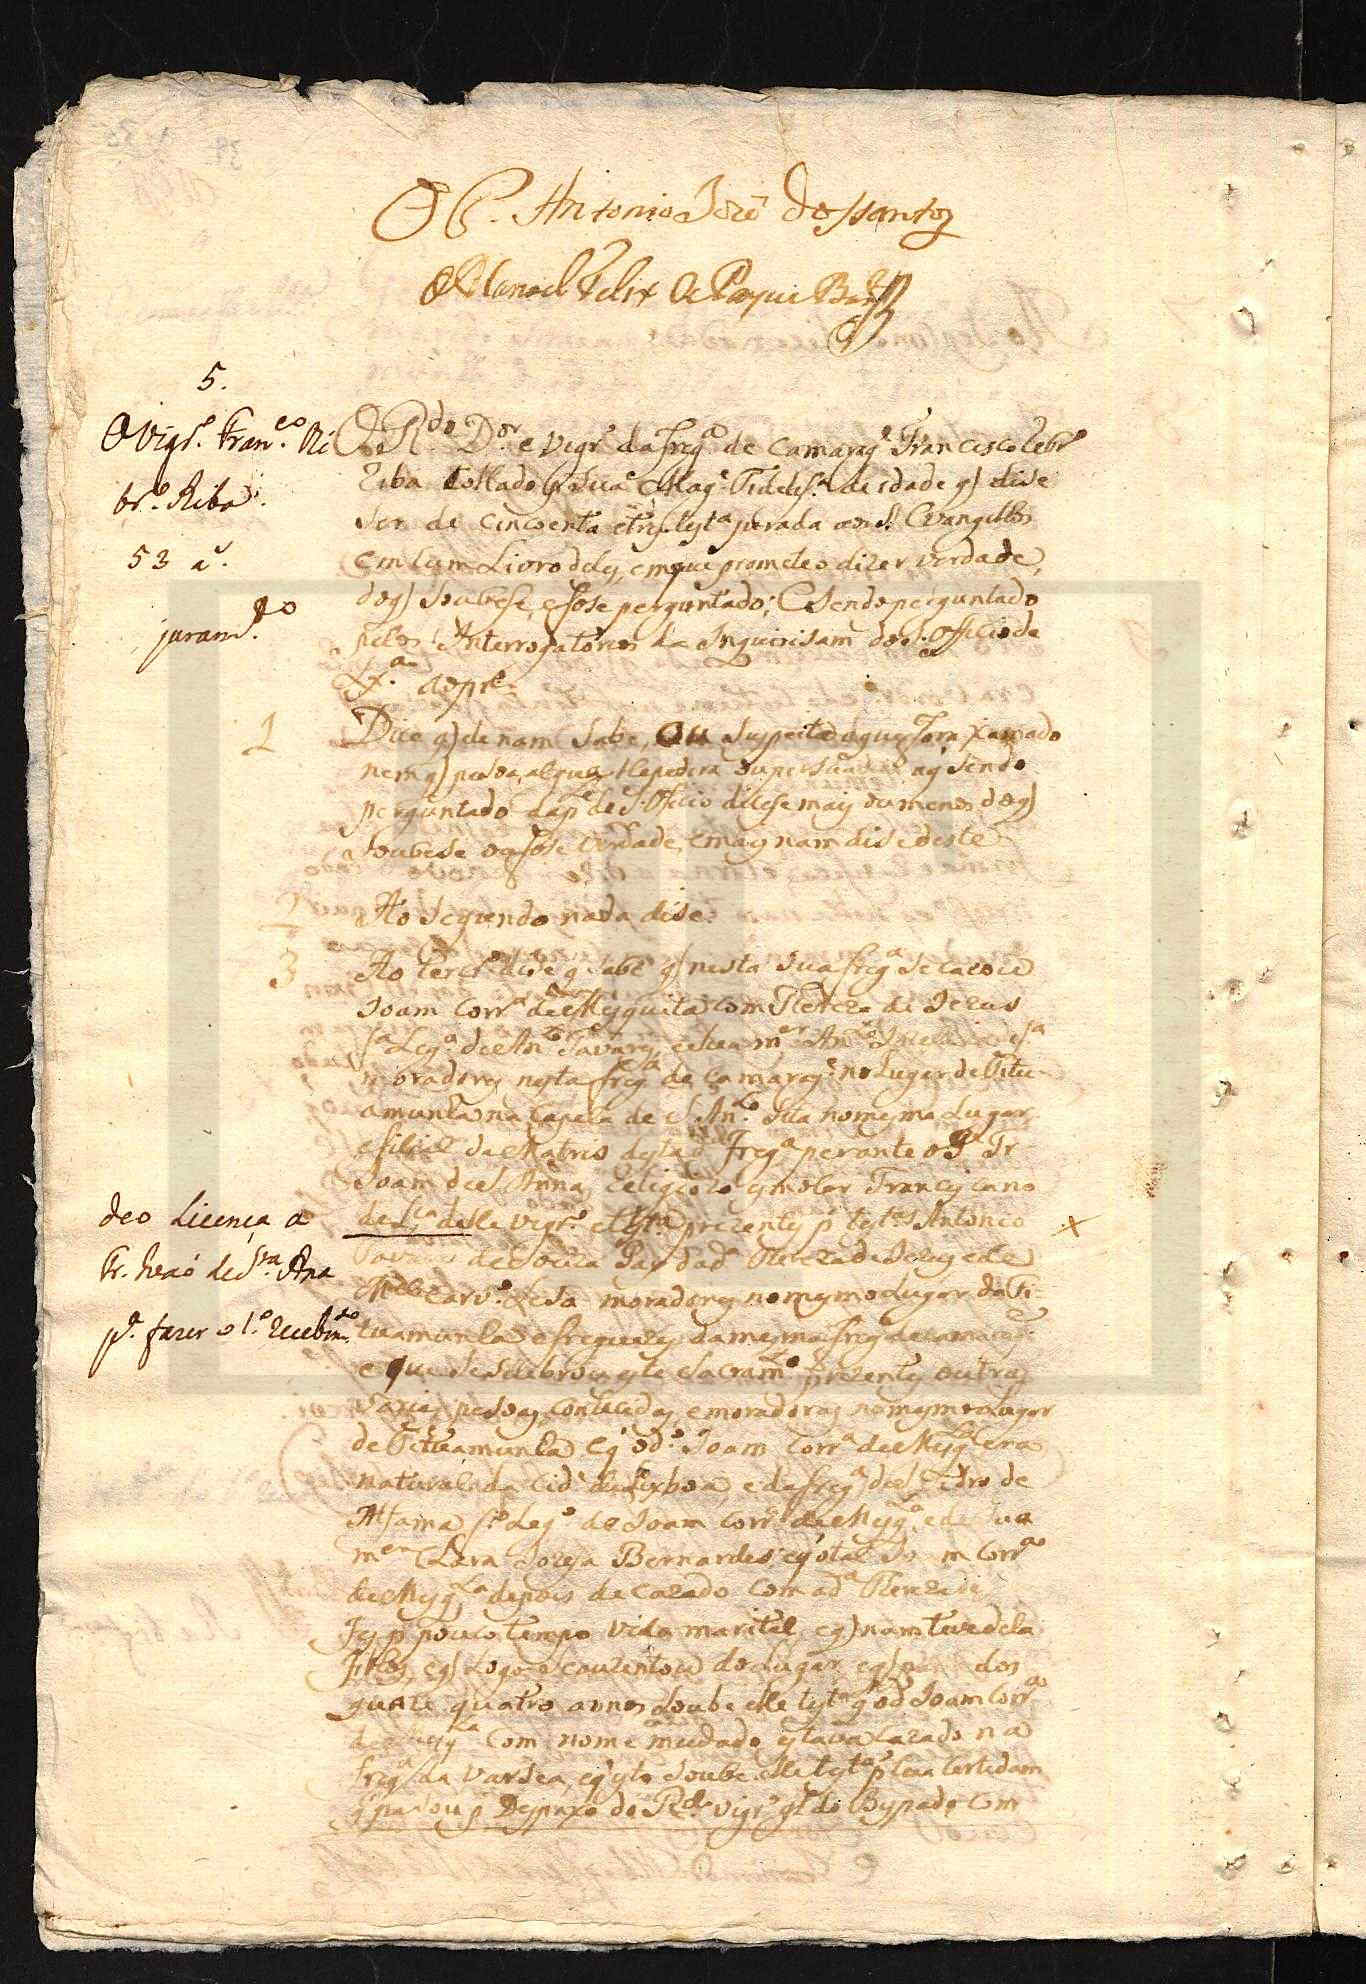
O P. Antonio Iozé dos santoz
Manoel Felix de Payua Bar
5.
O Vigr.o Fran.co Ri
O R.do D.or e Vigr.o da freg.a de Camango Francisco Rebro
Riba. Collado p̄ Sua Mag.e Fidelis.a de idade q̄ dise
br.o Riba.
ser de cincoenta e tres testa jurada ao s Evangelhos
em hum Livro deles, em que prometeo dizer verdade,
53 as.
do q̄ soubese, e fose perguntado; E Sendo perguntado
juram.to
pelos Interrogatorios da Inquirisam do s.to Officio de
Lx.a ao pr.o
Dice q̄ de nam sabe, ou suspeita a que fora xamado
nem q̄ pesoa algua lhe pedira ou persuad_ a q̄ sendo
perguntado da p.te do s. officio dicese mais ou menos do q̄
soubese ou fose verdade, e mais nam dise deste.
Ao segundo nada dise
Ao tercr.o dise q̄ sabe q̄ nesta sua frega se cazou
Ioam Corra de Misquita com Thereza de Iezus
fa Leg.a de Anto Tavares, e sua m.er An.ta
moradores nesta freg.a de Camaraes e no Lugar de Fitu
amunha na capela de S An.to sita no mesmo Lugar,
e filial da Matris desta d.a freg.a perante o S. Fr
Ioam de S Anna, Religiozo esmolar Franciscano
deo Licença a
de L,ca delle vigr.o e testa prezentes pa test.as Antonio
Tava_s de Souza Pay da d.a Thereza de Iezus, e de
Fr. Ioaõ de S.ta Ana
Mel carv.o de sa moradores no mesmo Lugar da Fi
p.a fazer o 1.o Recebim.to
tuamunha e freguezes da mesma frega de camaraes.
e que se selebrou este Sacram.to prezentes outras
varias pesoas conhecidas, e moradoras no mesmo Lugar
de Fetuamunha e q̄ o d.o Ioam Corra de Mesq.ta era
natural da Cid.e de Lisboa, e da freg.a de S Pedro de
Alfama f.o Leg.o de Ioam Corr.a de Mesq.ta e de sua
mer Clara Iozefa Bernardes; e q̄ o tal Io_m Corra
de Mesq.ta depois de cazado com a da Thereza de
fes p pouco tempo vida marital, e q̄ nam teve dela
filhos, e q̄ Logo se auzentou do Lugar e q̄ __ dos
quaze quatro annos soube elle test.a q̄ o d̄. Ioam Corr.a
de Mesqta Com nome mudado estava cazado na
frega da varsea, e q̄ isto soube elle testa p̄ hua certidam
q̄ pasou o Despaxo do R.do vigr.o gl do Bispado Com
